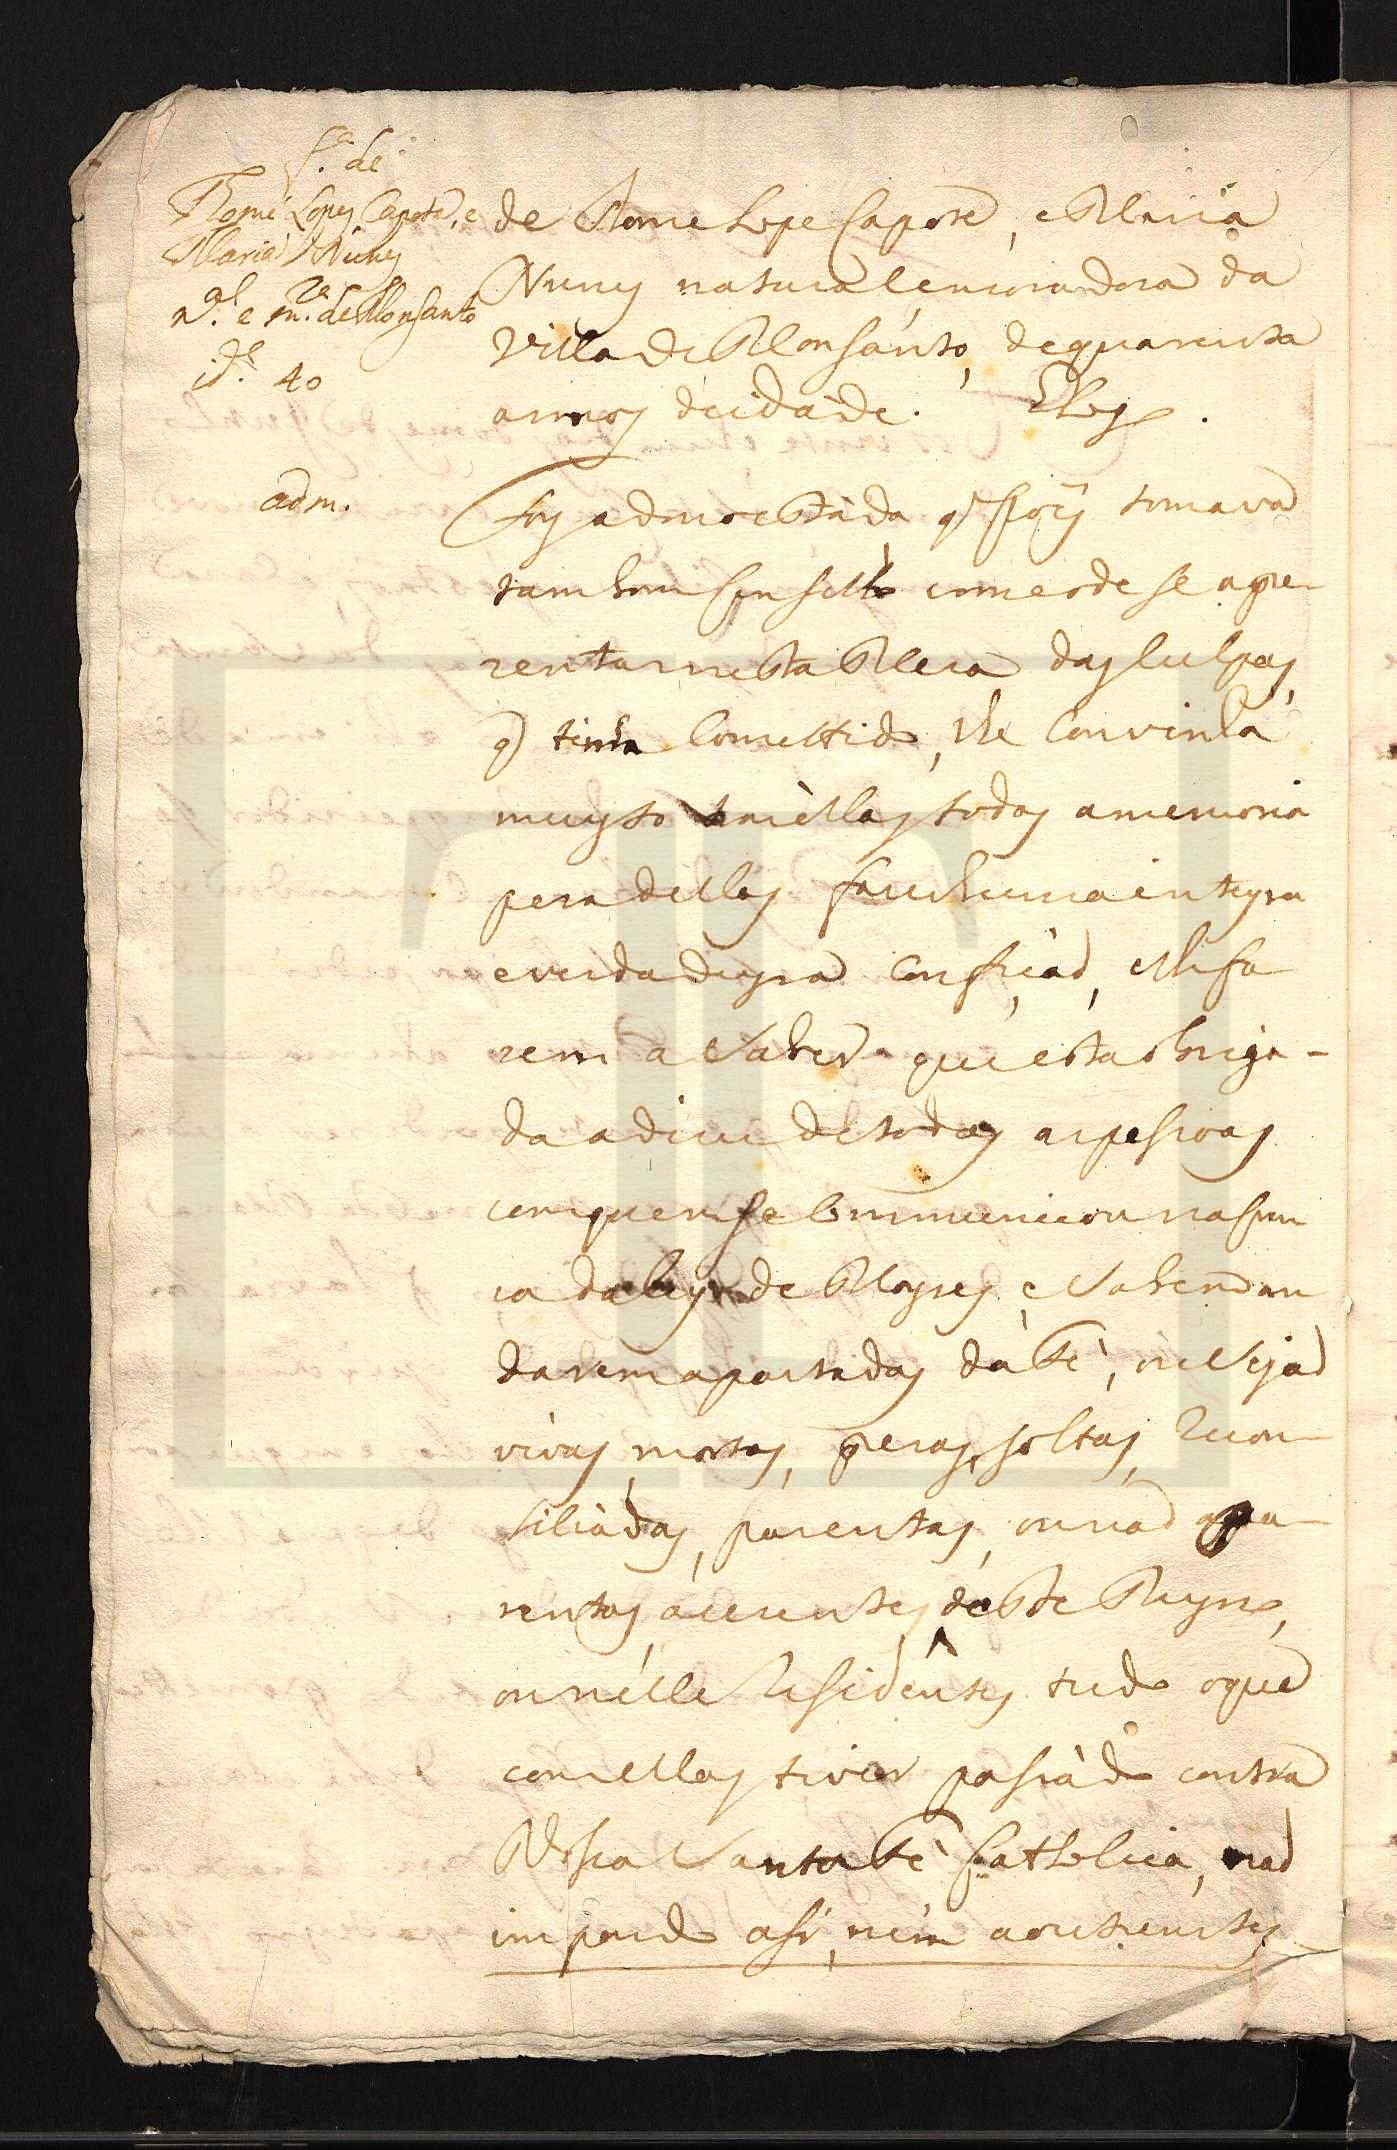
f.a de
Thomé Lopez Capote, e
Maria Nunes
n.al e m.ra de Monsanto
id.e 40
de Thome Lope Capote, e Maria
Nunes natural, e moradora da
Villa de Monsanto, de quarenta
annos de idade. E logo.
adm.
Foy admoestada q̄ pois tomava
tam bom Conselho como o de se apre
zentar nesta Meza das Culpas,
q̄ tinha Comettido, lhe convinha
muyto trazellas todas a memoria
pera dellas fazer huma inteyra
e verdadeyra confiçaõ, e lhe fa
zem a saber que esta obriga
da a dizer de todas as pessoas
com quem se communicou na Cren
ça da ley de Moyzes, e sabem an
darem apartadas da Fé, ou sejaõ
vivas mortas, prezas, soltas, Recon
siliadas, parentas ou naõ pa
rentas, auzentes deste Reyno,
ou nelle Residentes tudo o que
com ellas tiver passádo contra
Nossa Santa Fé Catholica, naõ
impondo a si, nem a outrem tes
